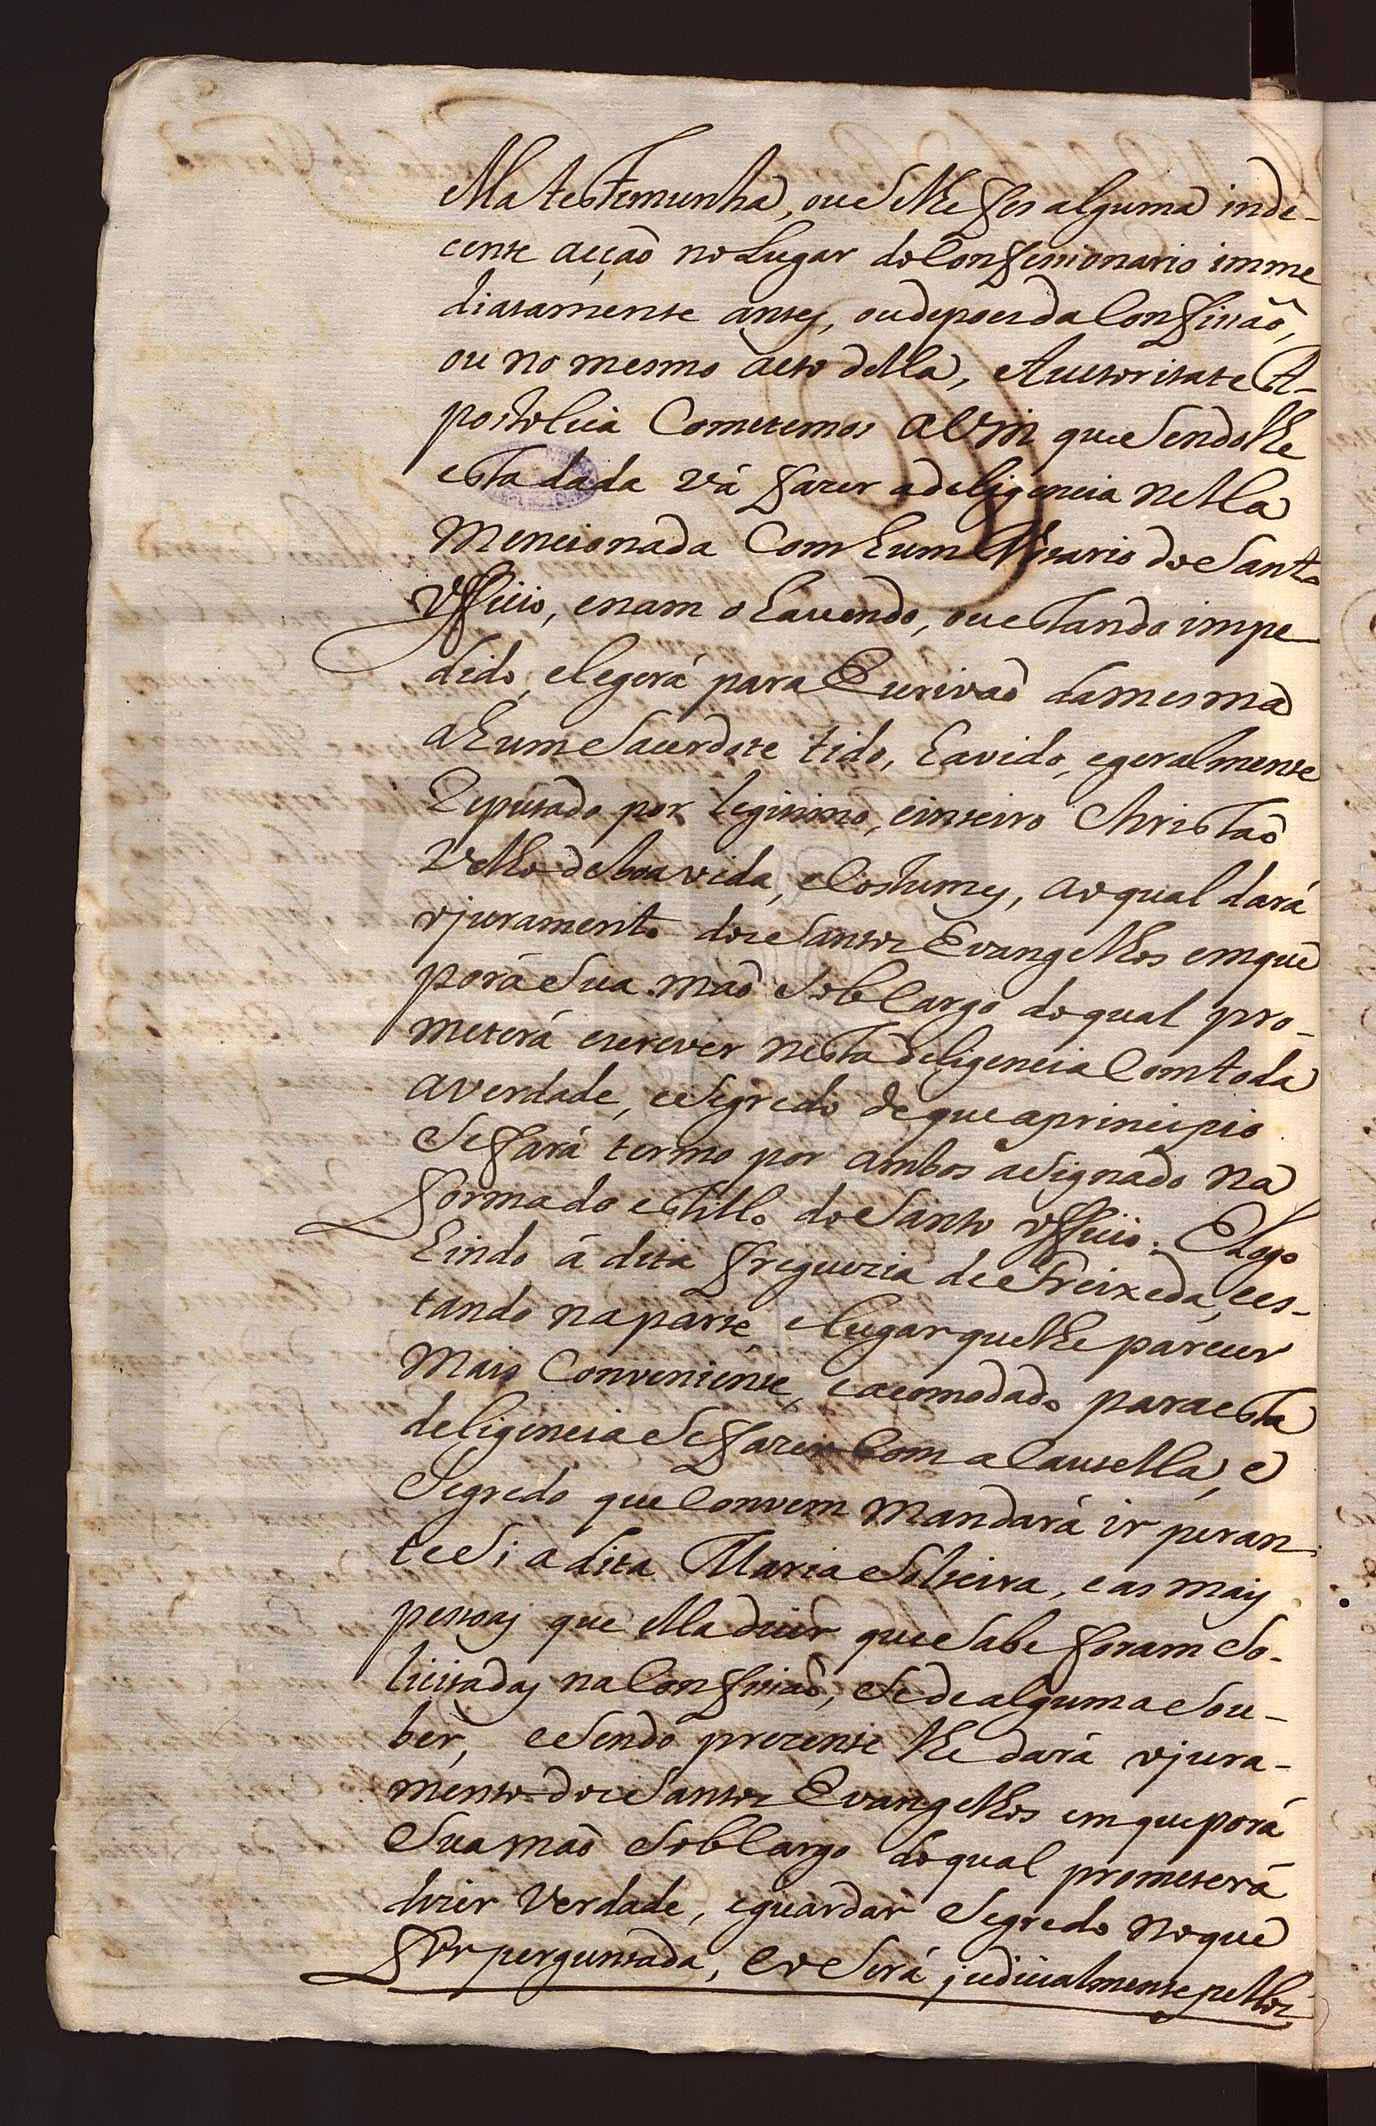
ella testemunha, ou Se lhe fes alguma inde
cente acção no Lugar do Confessionario imme
diatamente antes, ou depoes da Confissaõ,
ou no mesmo acto della, Auctoritate A
postolica Cometemos a V M que sendolhe
esta dada vá fazer a deligencia nella
mencionada com hum Notario do Santo
Officio, e nam o hauendo, ou estando impe
dido, elegerá para Escrivaõ da mesma
a hum Sacerdote tido, havido, e geralmente
Reputado por legitimo, e inteiro christaõ
Velho de boa vida, e Costumes, ao qual dará
o juramento dos Santos Evangelhos em que
porá Sua maõ sob cargo do qual pro
meterá escrever nesta deligencia Com toda
a verdade, e Segredo de que a principio
Se fará termo por ambos asignado na
forma do estillo do Santo officio. E Logo
hindo á dita freguezia de Freixeda, e es
tando na parte e lugar que lhe parecer
mais conveniente, e acomodado para esta
deligencia Se fazer Com a Cautella, e
Segredo que convem mandará ir peran
te Si a dita Maria Solteira, e as mais
pessoas que ella dicer que Sabe foram So
licitadas na Confissaõ, Se de alguma Sou
ber, e Sendo prezente lhe dará o jura
mento dos Santos Evangelhos em que porá
Sua maõ Sob cargo do qual prometerá
dizer verdade, e guardar Segredo no que
for perguntada, e o Será judicialmente pellos
